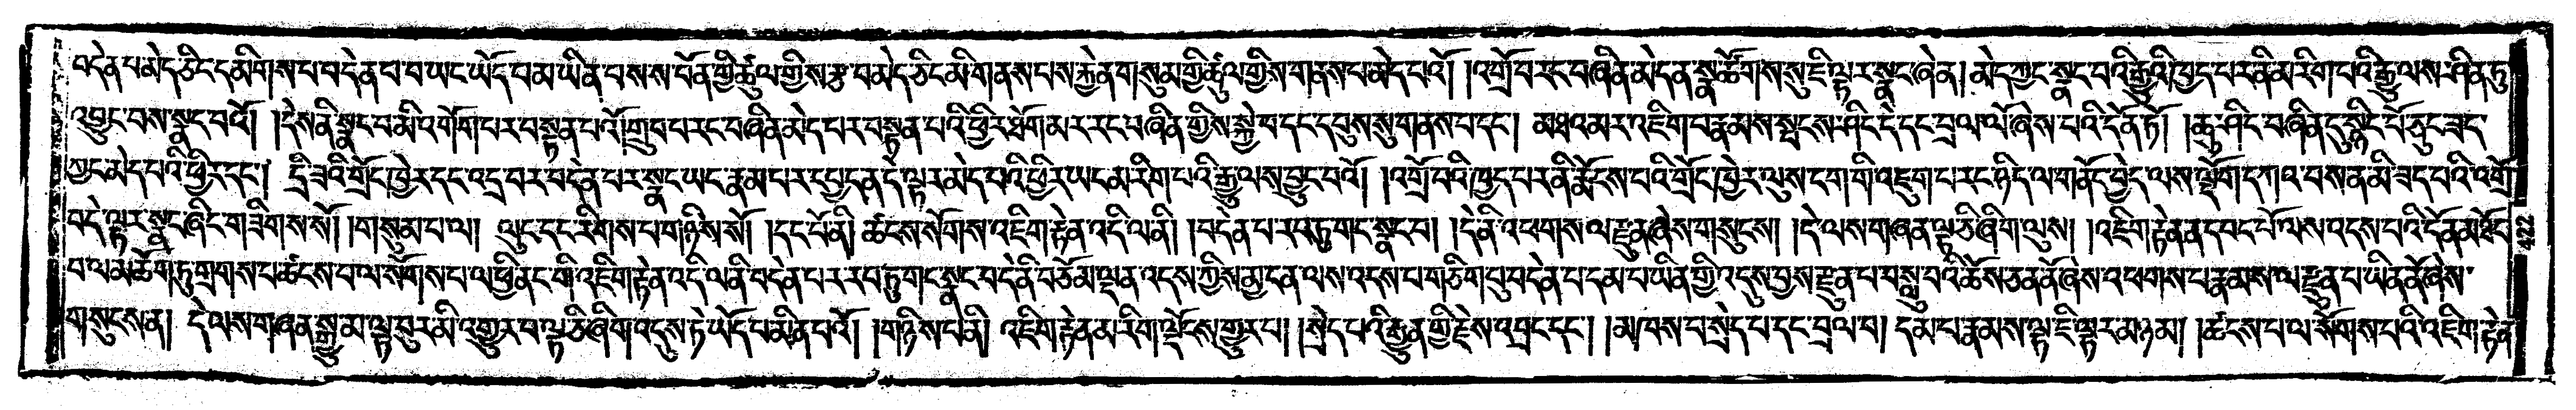བདེན་པ་མེད་ཅིང་དམིགས་པ་བདེན་པ་བ་ཡང་ཡོད་པ་མ་ཡིན་པས་ས་བོན་གྱི་ཚུལ་གྱིས་རྩ་བ་མེད་ཅིང་མི་གནས་པས་རྐྱེན་གསུམ་གྱི་ཚུལ་གྱིས་གནས་པ་མེད་པའོ། །འགྲོ་བ་རང་བཞིན་མེད་ན་སྣ་ཚོགས་སུ་ཇི་ལྟར་སྣང་ཞེ་ན། མེད་ཀྱང་སྣང་བའི་རྒྱུའི་ཁྱད་པར་ནི་མ་རིག་པའི་རྒྱུ་ལས་ཤིན་ཏུ་
འབྱུང་བས་སྣང་བའོ། །དེས་ནི་སྣང་བ་མི་འགོག་པར་བསྟན་པའོ། །གྲུབ་པ་རང་བཞིན་མེད་པར་བསྟན་པའི་ཕྱིར་ཐོག་མར་རང་བཞིན་གྱིས་སྐྱེ་བ་དང་དབུས་སུ་གནས་པ་དང་། མཐའ་མར་འཇིག་པ་རྣམས་སྤངས་ཤིང་དེ་དང་བྲལ་ལོ་ཞེས་པའི་དོན་ཏོ། །ཆུ་ཤིང་བཞིན་དུ་སྙིང་པོ་ཅུང་ཟད་
ཀྱང་མེད་པའི་ཕྱིར་དང་། དྲི་ཟའི་གྲོང་ཁྱེར་དང་འདྲ་བར་བདེན་པར་སྣང་ཡང་རྣམ་པར་དཔྱད་ན་དེ་ལྟར་མེད་པའི་ཕྱིར་ཡང་མ་རིག་པའི་རྒྱུ་ལས་བྱུང་བའོ། །འགྲོ་བའི་ཁྱད་པར་ནི་རྨོངས་པའི་གྲོང་ཁྱེར་ལུས་ངག་གི་འཇུག་པ་རང་ཉིད་ལ་གནོད་བྱེད་ལས་ལྡོག་དཀའ་བས་ན་མི་ཟད་པའི་འགྲོ་
བདེ་ལྟར་སྣང་ཞིང་གཟིགས་སོ། །གསུམ་པ་ལ། ལུང་དང་རིགས་པ་གཉིས་སོ། །དང་པོ་ནི། ཚངས་སོགས་འཇིག་རྟེན་འདི་ལ་ནི། །བདེན་པ་རབ་ཏུ་གང་སྣང་བ། །དེ་ནི་འཕགས་ལ་རྫུན་ཞེས་གསུངས། །དེ་ལས་གཞན་ལྟ་ཅི་ཞིག་ལུས། །འཇིག་རྟེན་ན་དབང་པོ་ལས་འདས་པའི་དོན་མཐོང་
བ་ལ་མཆོག་ཏུ་གྲགས་པ་ཚངས་བ་ལ་སོགས་པ་ལ་ཕྱི་ནང་གི་འཇིག་རྟེན་འདི་ལ་ནི་བདེན་པར་རབ་ཏུ་གང་སྣང་བ་དེ་ནི་བཅོམ་ལྡན་འདས་ཀྱིས་མྱ་ངན་ལས་འདས་པ་གཅིག་པུ་བདེན་པ་དམ་པ་ཡིན་གྱི་འདུས་བྱས་རྫུན་པ་བསླུ་བའི་ཆོས་ཅན་ནོ་ཞེས་འཕགས་པ་རྣམས་ལ་རྫུན་པ་ཡིན་ནོ་ཞེས་
གསུངས་ན། དེ་ལས་གཞན་སྒྱུ་མ་ལྟ་བུར་མི་འགྱུར་བ་ལྟ་ཅི་ཞིག་འདུས་ཏེ་ཡོད་པ་མིན་པའོ། །གཉིས་པ་ནི། འཇིག་རྟེན་མ་རིག་ལྡོངས་གྱུར་པ། །སྲེད་པའི་རྒྱུན་གྱི་རྗེས་འབྲང་དང་། །མཁས་པ་སྲེད་པ་དང་བྲལ་བ། དམ་པ་རྣམས་ལྟ་ཇི་ལྟར་མཉམ། །ཚངས་པ་ལ་སོགས་པའི་འཇིག་རྟེན་